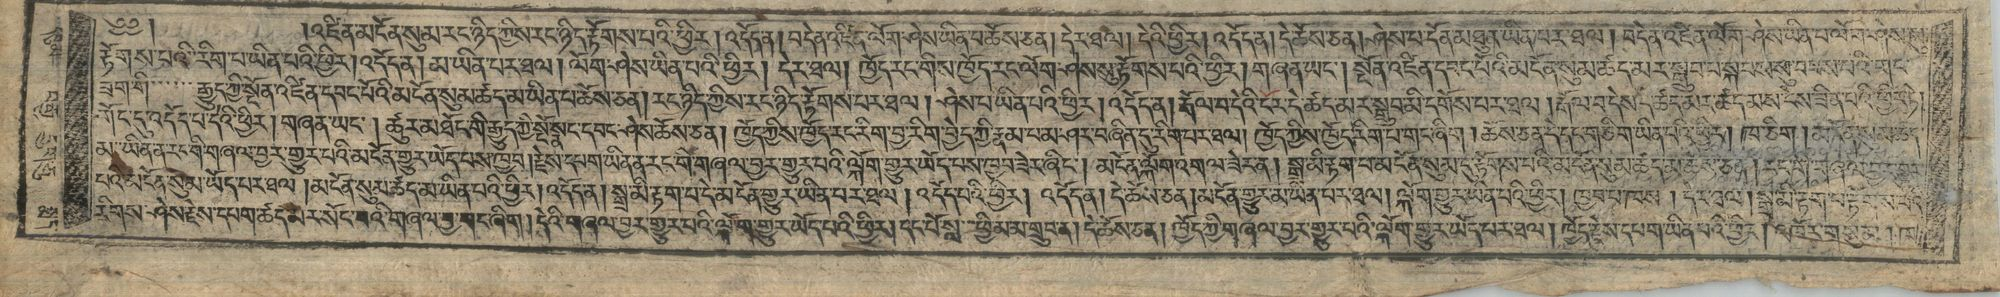༄༅། །འཛིན་མངོན་སུམ་རང་ཉིད་ཀྱིས་རང་ཉིད་རྟོགས་པའི་ཕྱིར། འདོད་ན། བདེན་འཛིན་ལོག་ཤེས་ཡིན་པ་ཆོས་ཅན། དེར་ཐལ། དེའི་ཕྱིར། འདོད་ན། དེ་ཆོས་ཅན། ཤེས་པ་དོན་མཐུན་ཡིན་པར་ཐལ། བདེན་འཛིན་ལོག་ཤེས་ཡིན་པ་ལོག་ཤེས་སུ་
རྟོགས་པའི་རིག་པ་ཡིན་པའི་ཕྱིར། འདོད་ན། མ་ཡིན་པར་ཐལ། ལོག་ཤེས་ཡིན་པའི་ཕྱིར། དེར་ཐལ། ཁྱོད་རང་གིས་ཁྱོད་རང་ལོག་ཤེས་སུ་རྟོགས་པའི་ཕྱིར། གཞན་ཡང་། སྔོན་འཛིན་དབང་པོའི་མངོན་སུམ་ཚད་མར་སྒྲུབ་པ་སྐབས་སུ་བབས་པའི་གང་
ཟག་གི་རྒྱུད་ཀྱི་སྔོན་འཛིན་དབང་པོའི་མངོན་སུམ་ཚད་མ་ཡིན་པ་ཆོས་ཅན། རང་ཉིད་ཀྱིས་རང་ཉིད་རྟོགས་པར་ཐལ། ཤེས་པ་ཡིན་པའི་ཕྱིར། འདོད་ན། རྒོལ་བ་དེའི་ངོར་དེ་ཚད་མར་སྒྲུབ་མི་དགོས་པར་ཐལ། རྒོལ་བ་དེས་དེ་ཚད་མར་ཚད་མས་ངེས་ཟིན་པའི་ཕྱིར་ཏེ།
གོང་དུ་འདོད་པ་དེའི་ཕྱིར། གཞན་ཡང་། ཚུར་མཐོང་གི་རྒྱུད་ཀྱི་སྔོ་སྣང་དབང་ཤེས་ཆོས་ཅན། ཁྱོད་ཀྱིས་ཁྱོད་རང་རིག་བྱ་རིག་བྱེད་ཀྱི་རྣམ་པ་མ་ཤར་བཞིན་དུ་རིག་པར་ཐལ། ཁྱོད་ཀྱིས་ཁྱོད་རིག་པ་གང་ཞིག །ཆོས་ཅན་དེ་དང་གཅིག་ཡིན་པའི་ཕྱིར། ཁ་ཅིག །མངོན་སུམ་ཚད་
མ་ཡིན་ན་རང་གི་གཞལ་བྱར་གྱུར་པའི་མངོན་གྱུར་ཡོད་པས་ཁྱབ། རྗེས་དཔག་ཡིན་ན་རང་གི་གཞལ་བྱར་གྱུར་པའི་ལྐོག་གྱུར་ཡོད་པས་ཁྱབ་ཟེར་ཞིང་། མངོན་ལྐོག་འགལ་ཟེར་ན། སྒྲ་མི་རྟག་པ་མངོན་སུམ་དུ་རྟོགས་པའི་མངོན་སུམ་ཚད་མ་ཆོས་ཅན། རང་གི་གཞལ་བྱར་གྱུར་
པའི་མངོན་སུམ་ཡོད་པར་ཐལ། མངོན་སུམ་ཚད་མ་ཡིན་པའི་ཕྱིར། འདོད་ན། སྒྲ་མི་རྟག་པ་དེ་མངོན་གྱུར་ཡིན་པར་ཐལ། འདོད་པའི་ཕྱིར། འདོད་ན། དེ་ཆོས་ཅན། མངོན་གྱུར་མ་ཡིན་པར་ཐལ། ལྐོག་གྱུར་ཡིན་པའི་ཕྱིར། ཁྱབ་པ་ཁས། དེར་ཐལ། སྒྲ་མི་རྟག་པ་རྟོགས་པའི་
རིགས་ཤེས་རྗེས་དཔག་ཚད་མར་སོང་བའི་གཞལ་བྱ་གང་ཞིག །དེའི་གཞལ་བྱར་གྱུར་པའི་ལྐོག་གྱུར་ཡོད་པའི་ཕྱིར། དང་པོ་སླ་ཕྱི་མ་མ་གྲུབ་ན། དེ་ཆོས་ཅན། ཁྱོད་ཀྱི་གཞལ་བྱར་གྱུར་པའི་ལྐོག་གྱུར་ཡོད་པར་ཐལ། ཁྱོད་རྗེས་དཔག་ཡིན་པའི་ཕྱིར། འཁོར་གསུམ། ཁ་